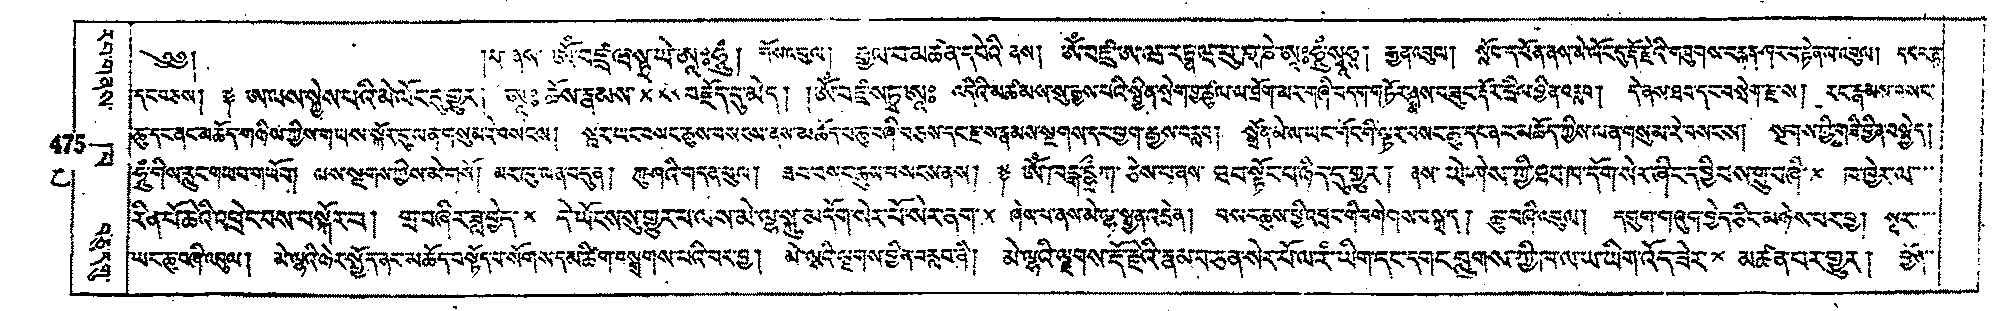༄༅། །པ་ནས་ཨོཾ་བཛྲ་ཝསྟྲ་ཡེ་ཨཱཿཧཱུཾ། གོས་འབུལ།  རྒྱལ་བ་མཚན་དཔེའི་ནས་ཨོཾ་བཛྲ་ཨ་ཝ་རཏྣ་ཝ་པུ་ཥ་ཎེ་ཨཱཿཧཱུཾ་སྭཱཧཱ། རྒྱན་འབུལ། སློབ་དཔོན་ནས་མེ་ལོང་དུ་རྡོ་རྗེའི་གཟུགས་བརྙན་ཤར་བ་རྟེན་ལ་འབུལ། དབང་རྟ་
དང་བཅས། འ་ཨ་ལས་སྐྱེས་པའི་མེ་ལོང་དུ་གྱུར། ཨཱཿ ཆོས་རྣམས་྾་྾་྾་བརྗོད་དུ་མེད། །ཨོཾ་བཛྲ་སཏྭ་ཨཱཿ འདིའི་མཚམས་སུ་རྒྱས་པའི་སྦྱིན་སྲེག་བྱ་ཚུལ་ལ་ཐོག་མར་གཞི་བདག་གཏོར་མ་ནས་བཟུང་རྡོར་དྲིལ་བྱིན་བརླབ། དེ་ནས་ཐབ་དང་བསྲེག་རྫས། རང་རྣམས་བསང་
ཆུ་དང་ནང་མཆོད་གཉིས་ཀྱིས་གཡས་སྐོར་དུ་ལན་གསུམ་རེ་བསངས། སླར་ཡང་བསང་ཆུས་བསངས་ནས་མཆོད་པ་ཆུ་བཞི་བཅས་དང་རྫས་རྣམས་སྔགས་དང་ཕྱག་རྒྱས་བརླབ། སྒྲོན་མེ་ལ་ཡང་གོང་གི་ལྟར་བསང་ཆུ་དང་ནང་མཆོད་ཀྱིས་ལན་གསུམ་རེ་བསངས། སྔགས་ཀྱིས་གཟི་བྱིན་བསྐྱེད།
ཧཱུཾ་གིས་རླུང་གཡབ་གཡོབ། ལས་སྔགས་ཀྱིས་མེ་གསོ། མར་ཁུ་ལན་བདུན། ཀུ་ཤའི་གདན་ཕུལ། ཐབ་བསང་ཆུས་བསངས་ནས། འ་ཨོཾ་ཁངྒ་དྷྲྀ་ཀ་ཅེས་པ་ནས་ཐབ་སྟོང་པ་ཉིད་དུ་གྱུར། ནས་ཡེ་ཤེས་ཀྱི་ཐབ་ཁ་དོག་སེར་ཞིང་དབྱིབས་གྲུ་བཞི་྾་ཁ་ཁྱེར་ལ་
རིན་པོ་ཆེའི་འཕྲེང་བས་བསྐོར་བ། གྲ་བཞིར་ཟླ་ཕྱེད་྾་དེ་ཡོངས་སུ་གྱུར་པ་ལས་མེ་ལྷ་སྐུ་མདོག་སེར་པོ་སེར་ནག་྾་ཞེས་པ་ནས་མེ་ལྷ་སྤྱན་འདྲེན། བསང་ཆུས་ཕྱི་འབྲང་གི་བགེགས་བསྐྲད། ཆུ་བཞི་འབུལ། དགུག་གཞུག་བྱེད་ཅིང་མཉེས་པར་བྱ། སླར་
ཡང་ཆུ་བཞི་འབུལ། མེ་ལྷའི་ཉེར་སྤྱོད་ནང་མཆོད་བསྟོད་པ་སོགས་དམ་ཚིགས་བསྒྲགས་པའི་བར་བྱ། མེ་ལྷའི་ལྗགས་བྱིན་བརླབ་ནི། མེ་ལྷའི་ལྗགས་རྡོ་རྗེའི་རྣམ་པ་ཅན་སེར་པོ་ལ་རཾ་ཡིག་དང་དགང་བླུགས་ཀྱི་ཁ་ལ་ཡ་ཡིག་འོད་ཟེར་྾་མཚན་པར་གྱུར་བྱོན་